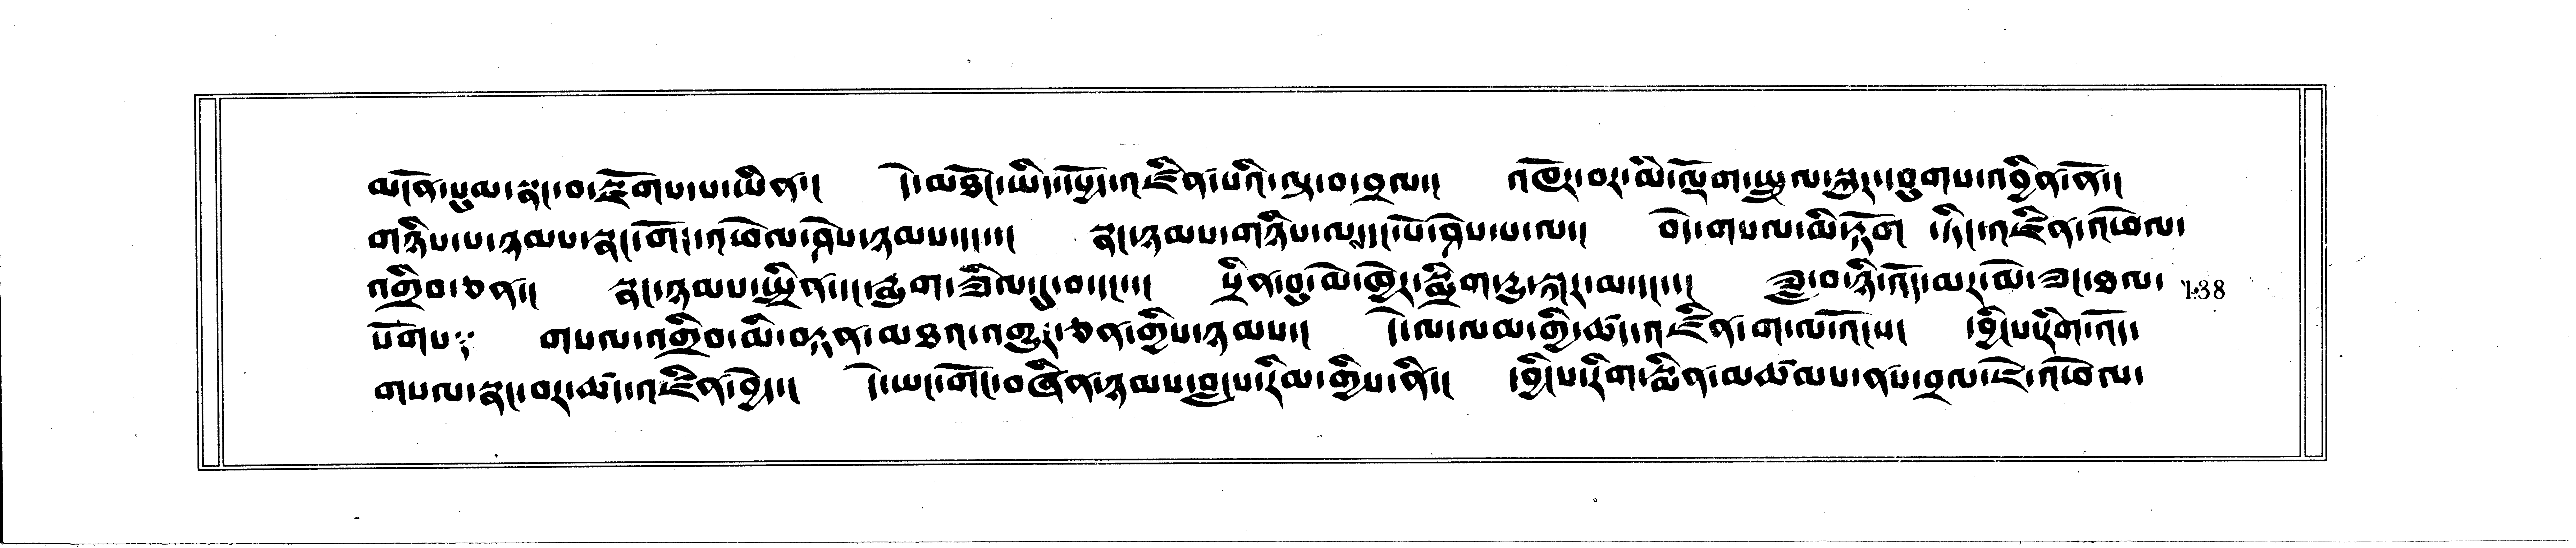མངོན་སུམ་སྣང་བ་རྫོགས་པ་ཡིན། །དེ་མཐོང་ཡིད་དཔྱོད་འཛིན་པའི་ལྟ་བ་བྲལ། །འཁོར་བར་མི་ལྡོག་སྤྲུལ་སྐུར་དབུགས་འབྱིན་ནོ། །
གཉིས་པ་ཉམས་སྣང་གོང་འཕེལ་ཤེས་ཉམས་དང་། །སྣང་ཉམས་གཉིས་ལས་དང་པོ་ཤེས་པ་ལ། །བདེ་གསལ་མི་རྟོག་ཏིང་འཛིན་འཕེལ་
འགྲིབ་ཅན། །སྣང་ཉམས་སྤྲིན་དང་རྨུག་ཟིལ་དུ་བ་དང་། །སྲིན་བུ་མེ་ཁྱེར་སྨྲིག་སྒྱུ་སྐར་མ་དང་། །ཟླ་བ་ཉིད་འོད་མར་མེ་ཟང་ཐལ་
སོགས། །གསལ་འགྲིབ་མི་བརྟན་མཐའ་འགྱུར་ཅན་གྱིས་ཉམས། །དེ་ལ་ལམ་གྱི་ཚད་འཛིན་ག་ལ་འོངས། །དབྱིངས་རིག་འོད་
གསལ་སྣང་བར་ཚད་འཛིན་བྱེད། །དེ་ཡང་གོང་བཞིན་ཉམས་བླང་རིམ་བཞིན་ནི། །དབྱིངས་རིག་སྨིན་མཚམས་ནས་བྲལ་ཇེ་འཕེལ་